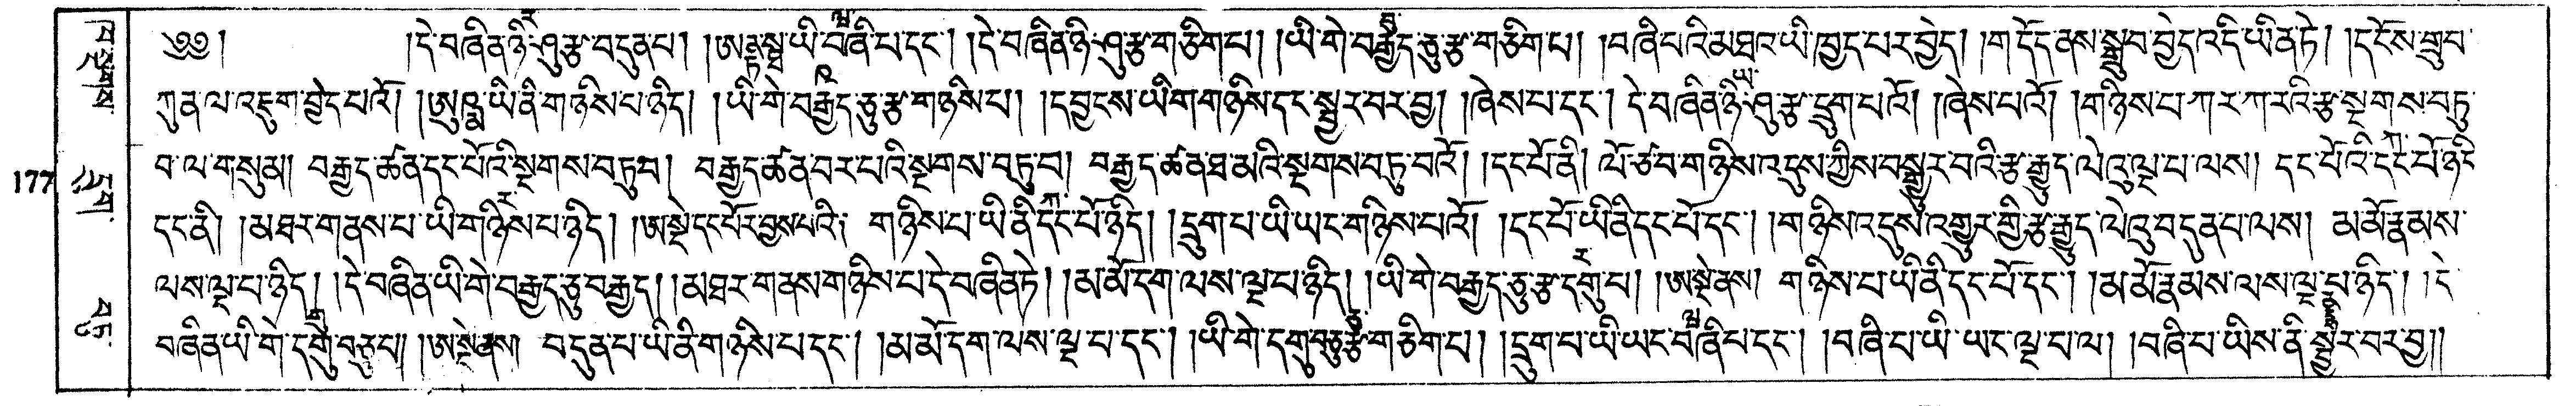༄༅། །དེ་བཞིན་ཉི་ཤུ་རྩ་བདུན་པ། །ཨནྟ་སྠ་ཡི་བཞི་པ་དང་། །དེ་བཞིན་ཉི་ཤུ་རྩ་གཅིག་པ། །ཡི་གེ་བརྒྱད་ཅུ་རྩ་གཅིག་པ། །བཞི་པའི་མཐའ་ཡི་ཁྱད་པར་བྱེད། །གདོད་ནས་སྒྲུབ་བྱེད་འདི་ཡིན་ཏེ། །དངོས་གྲུབ་
ཀུན་ལ་འཇུག་བྱེད་པའོ། །ཨུཥྨ་ཡི་ནི་གཉིས་པ་ཉིད། །ཡི་གེ་བརྒྱད་ཅུ་རྩ་གཉིས་པ། །དབྱངས་ཡིག་གཉིས་དང་སྦྱར་བར་བྱ། །ཞེས་པ་དང་། དེ་བཞིན་ཉི་ཤུ་རྩ་དྲུག་པའོ། །ཞེས་པའོ། །གཉིས་པ་ཀར་ཀ་རའི་རྩ་སྔགས་བཏུ་
བ་ལ་གསུམ། བརྒྱད་ཚན་དང་པོའི་སྔགས་བཏུབ། བརྒྱད་ཚན་བར་པའི་སྔགས་བཏུ་བ། བརྒྱད་ཚན་ཐ་མའི་སྔགས་བཏུ་བའོ། །དང་པོ་ནི། ལོ་ཙ་བ་གཉིས་འདུས་ཀྱིས་བསྒྱུར་བའི་རྩ་རྒྱུད་ལེའུ་ལྔ་པ་ལས། དང་པོའི་དང་པོ་ཉིད་
དང་ནི། །མཐར་གནས་པ་ཡི་གཉིས་པ་ཉིད། །ཨ་སྡེ་དང་པོར་བྱས་པའི༑ གཉིས་པ་ཡི་ནི་དང་པོ་ཉིད། །དྲུག་པ་ཡི་ཡང་གཉིས་པའོ། །དང་པོ་ཡི་ནི་དང་པོ་དང་། །གཉིས་འདུས་འགྱུར་གྱི་རྩ་རྒྱུད་ལེའུ་བདུན་པ་ལས། མ་མོ་རྣམས་
ལས་ལྔ་པ་ཉིད། །དེ་བཞིན་ཡི་གེ་བརྒྱད་ཅུ་བརྒྱད། །མཐར་གནས་གཉིས་པ་དེ་བཞིན་ཏེ། །མ་མོ་དག་ལས་ལྔ་པ་ཉིད། །ཡི་གེ་བརྒྱད་ཅུ་རྩ་དགུ་པ། །ཨ་སྡེ་ནས། གཉིས་པ་ཡི་ནི་དང་པོ་དང་། །མ་མོ་རྣམས་ལས་ལྔ་པ་ཉིད། །དེ་
བཞིན་ཡི་གེ་དགུ་བཅུ་པ། །ཨ་སྡེ་ནས། བདུན་པ་ཡི་ནི་གཉིས་པ་དང་། །མ་མོ་དག་ལས་ལྔ་པ་དང་། །ཡི་གེ་དགུ་བཅུ་རྩ་གཅིག་པ། །དྲུག་པ་ཡི་ཡང་བཞི་པ་དང་། །བཞི་པ་ཡི་ཡང་ལྔ་པ་ལ། །བཞི་པ་ཡིས་ནི་སྦྱར་བར་བྱ།།